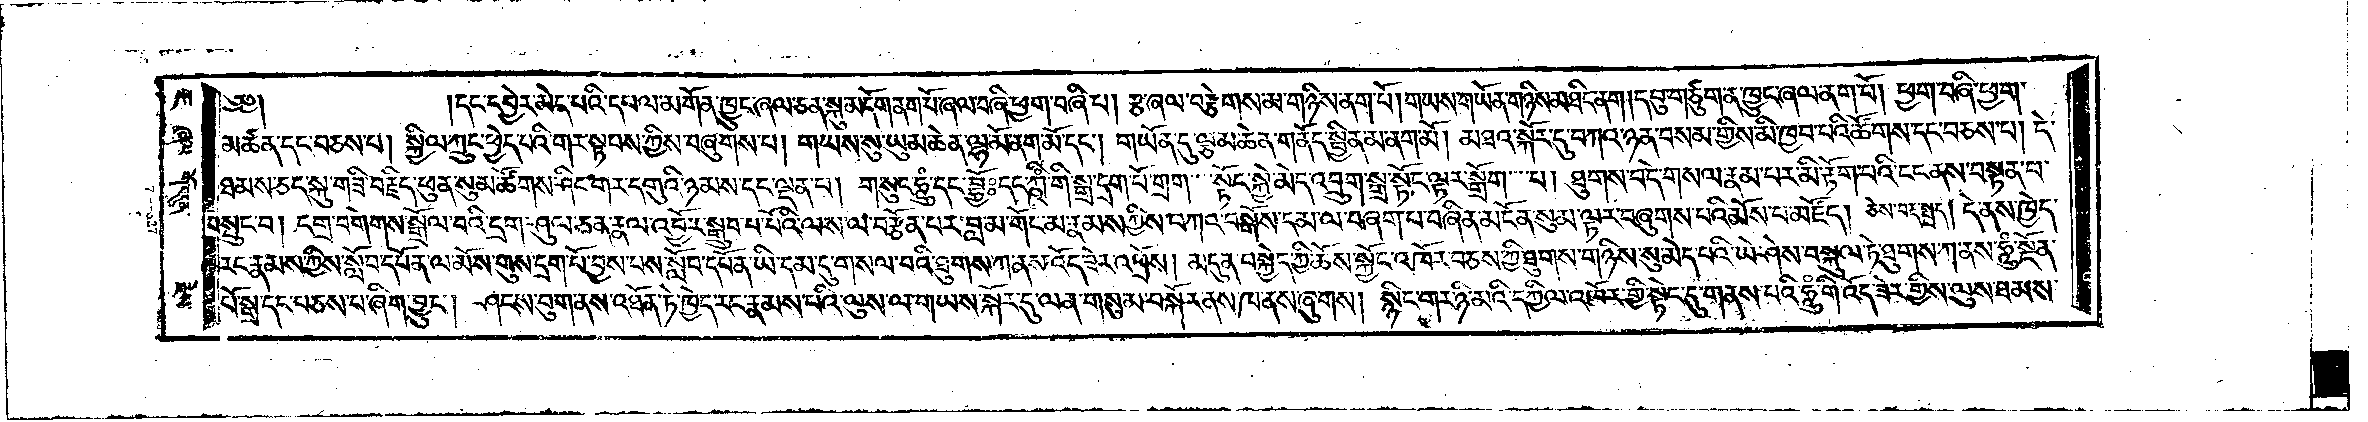༄༅། །དང་དབྱེར་མེད་པའི་དཔལ་མགོན་ཁྱུང་ཞལ་ཅན་སྐུ་མདོག་ནག་པོ་ཞལ་བཞི་ཕྱག་བཞི་པ། རྩ་ཞལ་བརྩེགས་མ་གཉིས་ནག་པོ། གཡས་གཡོན་གཉིས་མཐིང་ནག །དབུ་གཙུག་ན་ཁྱུང་ཞལ་ནག་པོ། ཕྱག་བཞི་ཕྱག་
མཚན་དང་བཅས་པ། སྐྱིལ་ཀྲུང་ཕྱེད་པའི་གར་སྟབས་ཀྱིས་བཞུགས་པ། གཡས་སུ་ཡུམ་ཆེན་ལྷ་མོ་ནག་མོ་དང་། གཡོན་དུ་ལྕམ་ཆེན་གནོད་སྦྱིན་མ་ནག་མོ། མཐའ་སྐོར་དུ་བཀའ་ཉན་བསམ་གྱིས་མི་ཁྱབ་བའི་ཚོགས་དང་བཅས་པ། དེ་
ཐམས་ཅད་སྐུ་གཟི་བརྗིད་ཕུན་སུམ་ཚོགས་ཤིང་གར་དགུའི་ཉམས་དང་ལྡན་བ། གསུང་ཧཱུཾ་དང་སྨྱོཿདདཀྵིཾ་གི་སྒྲ་དྲག་པོ་གྲག་སྟོང་སྐྱེ་མེད་འབྲུག་སྒྲ་སྟོང་ལྟར་སྒྲོག་པ། ཐུགས་བདེ་གསལ་རྣམ་པར་མི་རྟོག་པའི་ངང་ནས་བསྟན་པ་
བསྲུང་བ། དགྲ་བགེགས་སྒྲོལ་བའི་དྲག་ཤུལ་ཅན་རྣལ་འབྱོར་སྒྲུབ་པ་པོའི་ལས་ལ་བརྩོན་པར་བླ་མ་གོང་མ་རྣམས་ཀྱིས་བཀའ་བསྒོས་དམ་ལ་བཞག་པ་བཞིན་མངོན་སུམ་ལྟར་བཞུགས་པའི་མོས་པ་མཛོད། ཅེས་བརྡ་སྤྲད།  དེ་ནས་ཁྱེད་
རང་རྣམས་ཀྱིས་སློབ་དཔོན་ལ་མོས་གུས་དྲག་པོ་བྱས་པས་སློབ་དཔོན་ཡི་དམ་དུ་གསལ་བའི་ཐུགས་ཀ་ནས་འོད་ཟེར་འཕྲོས། མདུན་བསྐྱེད་ཀྱི་ཆོས་སྐྱོང་འཁོར་བཅས་ཀྱི་ཐུགས་གཉིས་སུ་མེད་པའི་ཡེ་ཤེས་བསྐུལ་ཏེ་ཐུགས་ཀ་ནས་ཧཱུཾ་སྔོན་
པོ་སྒྲ་དང་བཅས་པ་ཞིག་བྱུང་། ཤངས་བུ་གནས་འཐོན་ཏེ་ཁྱེད་རང་རྣམས་པའི་ལུས་ལ་གཡས་སྐོར་དུ་ལན་གསུམ་བསྐོར་ནས་ཁ་ནས་ཞུགས། སྙིང་གར་ཉི་མའི་དཀྱིལ་འཁོར་གྱི་སྟེང་དུ་གནས་པའི་ཧཱུཾ་གི་འོད་ཟེར་གྱིས་ལུས་ཐམས་